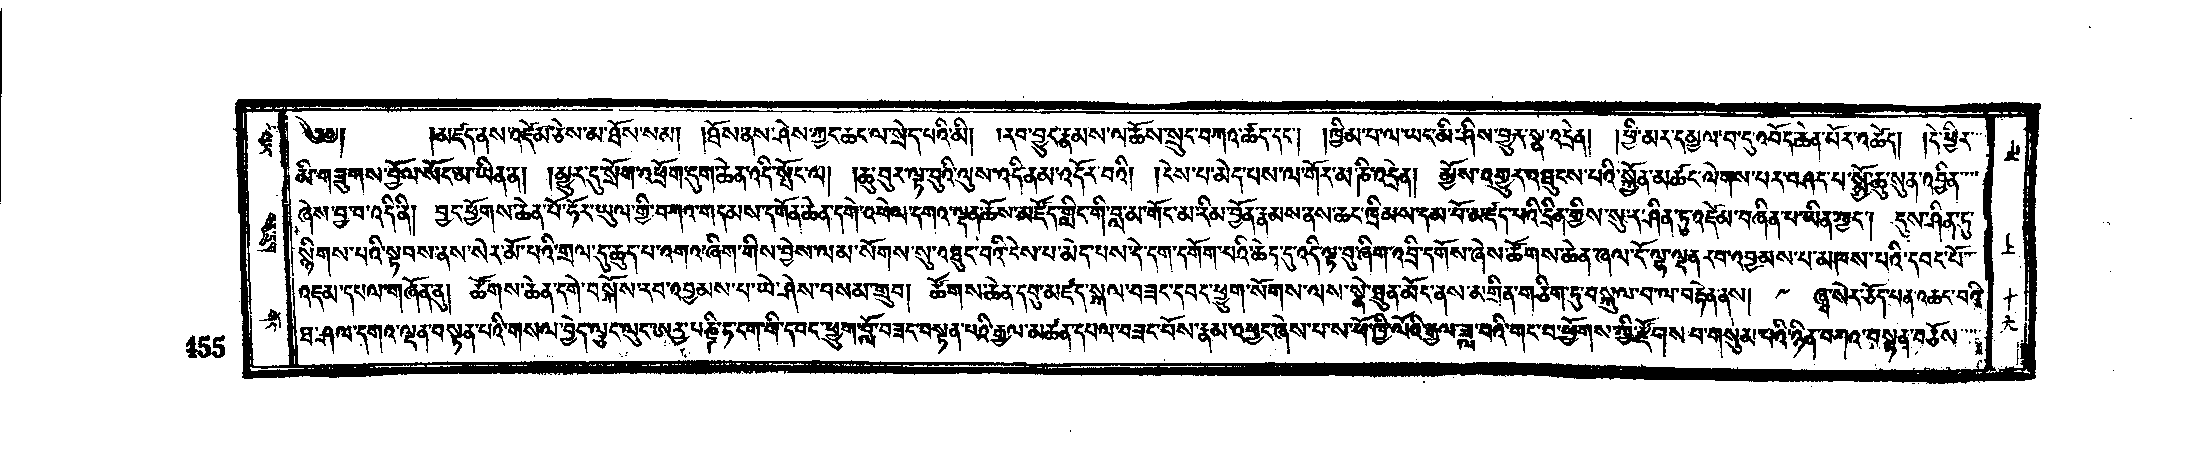༄༅། །མཛད་ནས་འཛེམ་ཅེས་མ་ཐོས་སམ། །ཐོས་ནས་ཤེས་ཀྱང་ཆང་ལ་སྲེད་པའི་མི། །རབ་བྱུང་རྣམས་ལ་ཆོས་སྲུང་བཀའ་ཚད་དང་། །ཁྱིམ་པ་ལ་ཡང་མི་ཤིས་བྱུར་སྣ་འདྲེན། །ཕྱི་མར་དམྱལ་བ་དུ་འབོད་ཆེན་པོར་འཚེད། །དེ་ཕྱིར་
མི་གཟུགས་བྱོལ་སོང་མ་ཡིན་ན། །མྱུར་དུ་སྲོག་འཕྲོག་དུག་ཆེན་འདི་སྤོང་ལ། །ཆུ་བུར་ལྟ་བུའི་ལུས་འདི་ནམ་འདོར་བའི། །ངེས་པ་མེད་པས་ལ་གོར་མ་ཎི་འདྲེན། མྱོས་འགྱུར་འཐུངས་པའི་སྐྱོན་མཚང་ལེགས་པར་བཤད་པ་སྨྱོ་ཆུ་སུན་འབྱིན་
ཞེས་བྱ་བ་འདི་ནི། བྱང་ཕྱོགས་ཆེན་པོ་ཧོར་ཡུལ་གྱི་བཀའ་གདམས་དགོན་ཆེན་དགེ་འཕེལ་དགའ་ལྡན་ཆོས་མཛོད་གླིང་གི་བླ་མ་གོང་མ་རིམ་བྱོན་རྣམས་ནས་ཆང་ཁྲིམས་དམ་པོ་མཛད་པའི་དྲིན་གྱིས་སུ་ར་ཤིན་ཏུ་འཛེམ་བཞིན་པ་ཡིན་ཀྱང་། དུས་ཤིན་ཏུ་
སྙིགས་པའི་སྟབས་ནས་སེར་མོ་པའི་གྲལ་དུ་ཆུད་པ་འགའ་ཞིག་གིས་བྱེས་ལམ་སོགས་སུ་འཐུང་བའི་ངེས་པ་མེད་པས་དེ་དག་དགོག་པའི་ཆེད་དུ་འདི་ལྟ་བུ་ཞིག་འབྲི་དགོས་ཞེས་ཚོགས་ཆེན་ཞལ་ངོ་ལྷ་ལྡན་རབ་འབྱམས་པ་མཁས་པའི་དབང་པོ་
འཇམ་དཔལ་གཞོན་ནུ། ཚོགས་ཆེན་དགེ་བསྐོས་རབ་འབྱམས་པ་ཡེ་ཤེས་བསམ་གྲུབ། ཚོགས་ཆེན་དབུ་མཛད་སྐལ་བཟང་དབང་ཕྱུག་སོགས་ལས་སྣེ་ཐུན་མོང་ནས་མགྲིན་གཅིག་ཏུ་བསྐུལ་བ་ལ་བརྟེན་ནས། ༧་ཞྭ་སེར་ཅོད་པན་འཆང་བའི་
ཐ་ཤལ་དགའ་ལྡན་བསྟན་པའི་གསལ་བྱེད་ལྕང་ལུང་ཨརྱ་པཎྜི་ཏ་ངག་གི་དབང་ཕྱུག་བློ་བཟང་བསྟན་པའི་རྒྱལ་མཚན་དཔལ་བཟང་པོས་རྣམ་འཕྱང་ཞེས་པ་ས་ཕོ་ཁྱི་ལོའི་རྒྱལ་ཟླ་བའི་གང་བ་ཕྱོགས་ཀྱི་རྫོགས་པ་གསུམ་པའི་ཉིན་བཀའ་བསྟན་བཅོས་